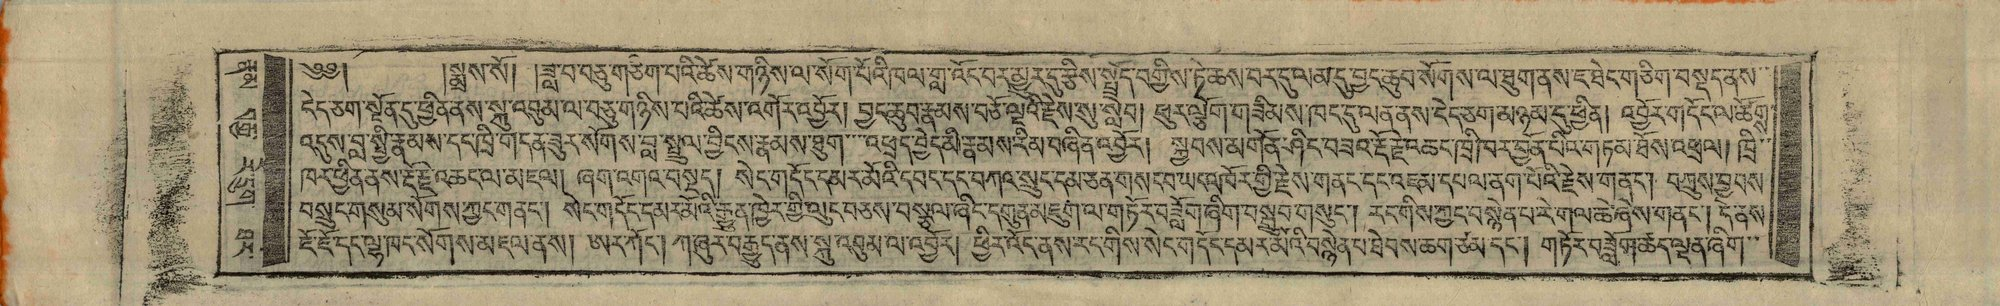༄༅། །སྨྲས་སོ། །ཟླ་བ་བཅུ་གཅིག་པའི་ཚེས་གཉིས་ལ་སོག་པོའི་ཁལ་གླ་འོང་བར་མྱུར་དུ་རྩིས་སྤྲོད་བགྱིས་ཏེ་ཆས་བར་དུ་ལམ་དུ་བྱང་ཆུབ་སོགས་ལ་ཐུག་ནས་ཇ་ཐེང་གཅིག་བསྡད་ནས་
ངེད་ཅག་སྔོན་དུ་ཕྱིན་ནས་སྐུ་འབུམ་ལ་བཅུ་གཉིས་པའི་ཚེས་འགོར་འབྱོར། བྱང་ཆུབ་རྣམས་བཅོ་ལྔའི་རྗེས་སུ་སླེབ། ཕུར་ལྕོག་གཟིམས་ཁང་དུ་ལན་ནས་ངེད་ཅག་མཉམ་དུ་ཕྱིན། འབྱོར་གདོང་ལ་ཚོགས་
འདུས་བླ་སྤྱི་རྣམས་དང་ཁྲི་གདན་ཟུར་སོགས་བླ་སྤྲུལ་བྱིངས་རྣམས་ཐུག་འཕྲད་བྱེད་མི་རྣམས་རིམ་བཞིན་འབྱོར། སྐྱབས་མགོན་ཤིང་བཟའ་རྡོ་རྗེ་འཆང་ཁྲི་ཁར་བྱོན་པའི་གཏམ་ཐོས་འཕྲལ། ཁྲི་
ཁར་ཕྱིན་ནས་རྡོ་རྗེ་འཆང་ལ་མཇལ། ཞག་འགའ་བསྡད། སེང་གདོང་དམར་མོའི་དབང་དང་བཀའ་སྲུང་དམ་ཅན་གསང་བ་ཡང་འཁོར་གྱི་རྗེས་གནང་དང་འཇམ་དཔལ་ནག་པོའི་རྗེས་གནང་། བཀྲུས་བྱབས་
བསྲུང་གསུམ་སོགས་ཀྱང་གནང་། སེང་གདོང་དམར་མོའི་རྒྱུན་ཁྱེར་གྱི་ལུང་བཅས་བསྩལ་ཞིང་དགུན་མཇུག་ལ་གཏོར་བཟློག་ཞིག་བསྒྲུབ་གསུང་། རང་གིས་ཀྱང་བསྙེན་པ་རེ་གལ་ཆེ་ཞེས་གནང་། དེ་ནས་
ཇོ་ཇོ་དང་ལྷ་ཁང་སོགས་མཇལ་ནས། ཨར་ཀོང་། ཀ་ཞུར་བརྒྱུད་ནས་སྐུ་འབུམ་ལ་འབྱོར། ཕྱིར་འོང་ནས་རང་གིས་སེང་གདོང་དམར་མོའི་བསྙེན་པ་ཐེབས་ཆག་ཙམ་དང་། གཏོར་བཟློག་ཚད་ལྡན་ཞིག་